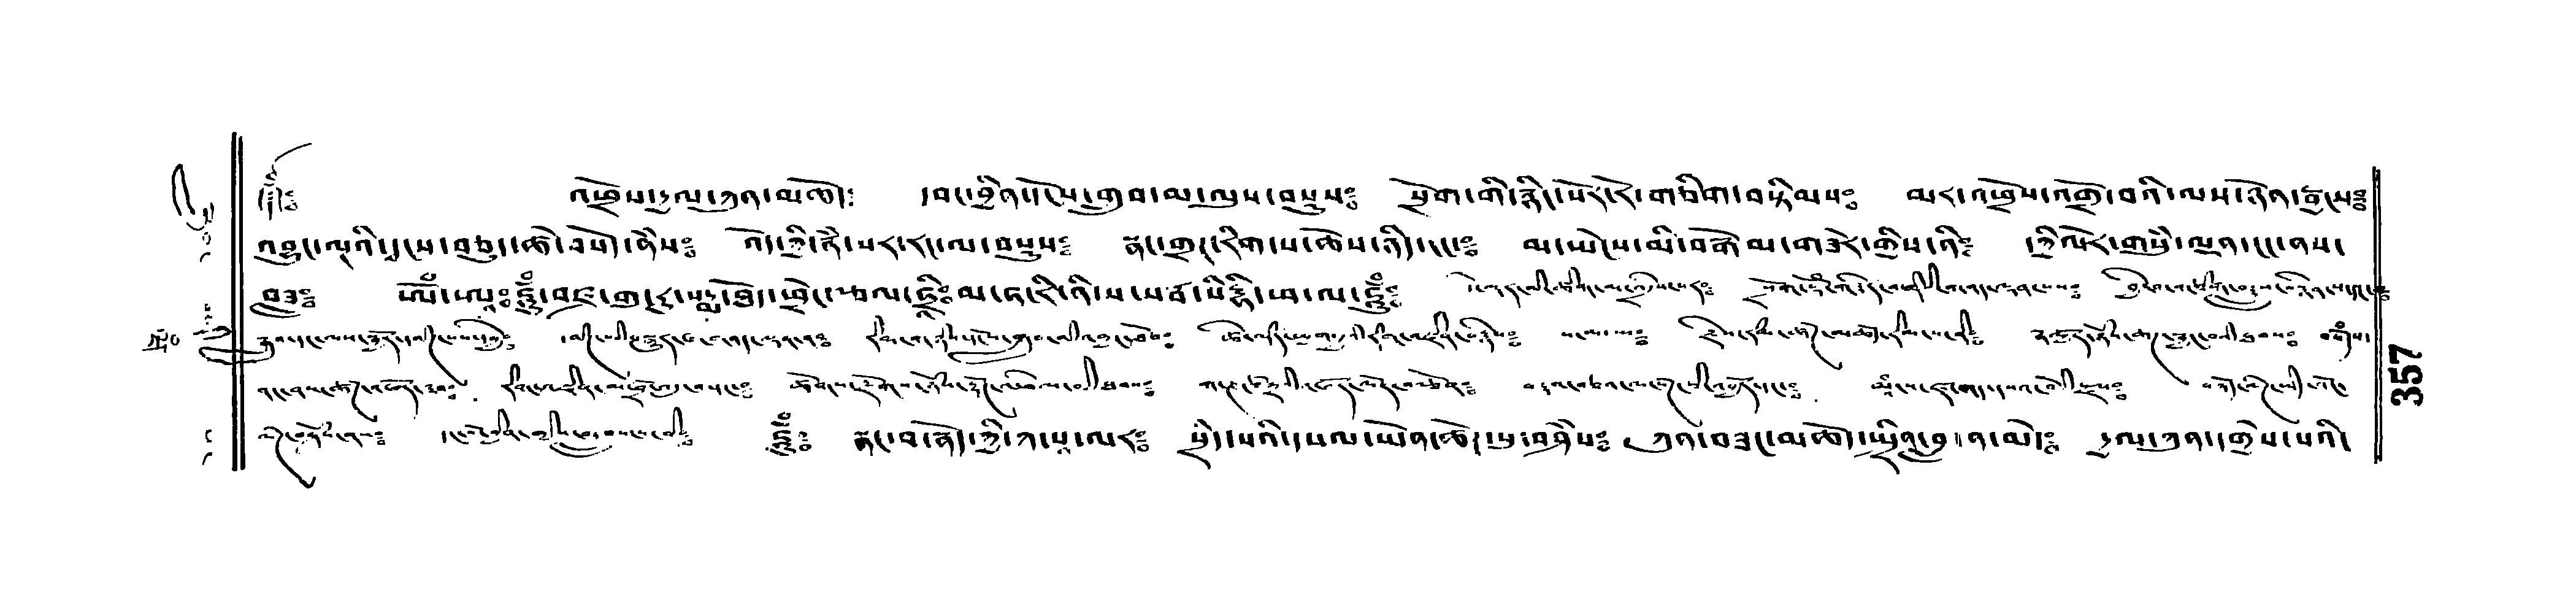འཕྲོས་རྒྱལ་ཀུན་མཆོད༔ དབང་བྱིན་དངོས་གྲུབ་མ་ལུས་བསྡུས༔ སྲོག་གི་སྙིང་པོར་རོ་གཅིག་བསྟིམས༔ མར་འཕྲོས་འགྲོ་བའི་ལས་ཉོན་སྦྱངས༔ 
འབྱུང་ལྔའི་དྭངས་བཅུད་ཚེ་བསོད་ནམས༔ འོད་ཀྱི་རྣམ་པར་རང་ལ་བསྡུས༔ སྣང་གྲགས་རིག་པ་ཆོས་ཉིད་ངང༔ མ་ཡེངས་མི་བསྒོམ་གཟེར་གྱིས་ནི༔ དཀྱིལ་འཁོར་གསུམ་ལྡན་ངང་ནས་
བཟླ༔ ཨོཾ་ཨཱཿཧཱུྃ་བཛྲ་གུ་རུ་པདྨ་ཐོད་ཕྲེང་རྩལ་ཧྲཱིཿམ་ཧ་རི་ནི་ས་སརྦ་སིདྡྷི་ཕ་ལ་ཧཱུྃ༔ དེ་ལྟར་མི་ཚིག་མ་འདྲེས་པར༔ སྲོག་སྡོམ་གཟེར་བཞིའི་གནད་ལྡན་པས༔ བྱེ་བ་གཅིག་བཟླས་བསྙེན་པ་དང༔ 
སྒྲུབ་དང་ལས་སྦྱོར་དམིགས་པས་དབྱེ༔ དམིགས་པའི་བསྒྱུར་ཁ་གནད་ལྡན་ན༔ རིམ་གཉིས་དངོས་གྲུབ་མི་འགྱང་ཐོབ༔ ཚེ་འདིར་ཕྱག་རྒྱའི་རིག་འཛིན་བརྙེས༔ ས་མ་ཡ༔ རྗེས་རིམ་ཚོགས་མཆོད་རིམ་པ་ནི༔ རྣལ་འབྱོར་ཉམས་ཆགས་སྦྱང་བའི་ཐབས༔ བསོད་ནམས་
ནང་ནས་ཚོགས་འཁོར་ཟབ༔ རིག་འཛིན་མཁའ་འགྲོ་འདུ་བ་དང༔ཚོགས་རྫོགས་ཉམས་རྟོགས་འཕེལ་བའི་ཐབས༔ ག་ཎ་ཙཀྲའི་འཁོར་ལོར་བརྩོན་༔ བཟའ་བཅའ་ལ་སོགས་ཅི་འབྱོར་དང༔ མཱཾ་ས་ཛ་གད་དཔའ་བོའི་རྫས༔ བཀོད་
ལེགས་ཡིད་འོང་ལེགས་བཤམས་ནས༔ དང་པོ་བྱིན་གྱིས་རླབ་པ་ནི༔ ཧཱུྃ༔ སྣང་བ་སྣོད་ཀྱི་ཀ་པཱ་ལར༔ སྲིད་པའི་དཔལ་ཡོན་ཚོགས་སུ་བཤམས༔ ཀུན་བཟང་མཆོད་སྤྲིན་བླ་ན་མེད༔ རྒྱལ་ཀུན་དགྱེས་པའི་